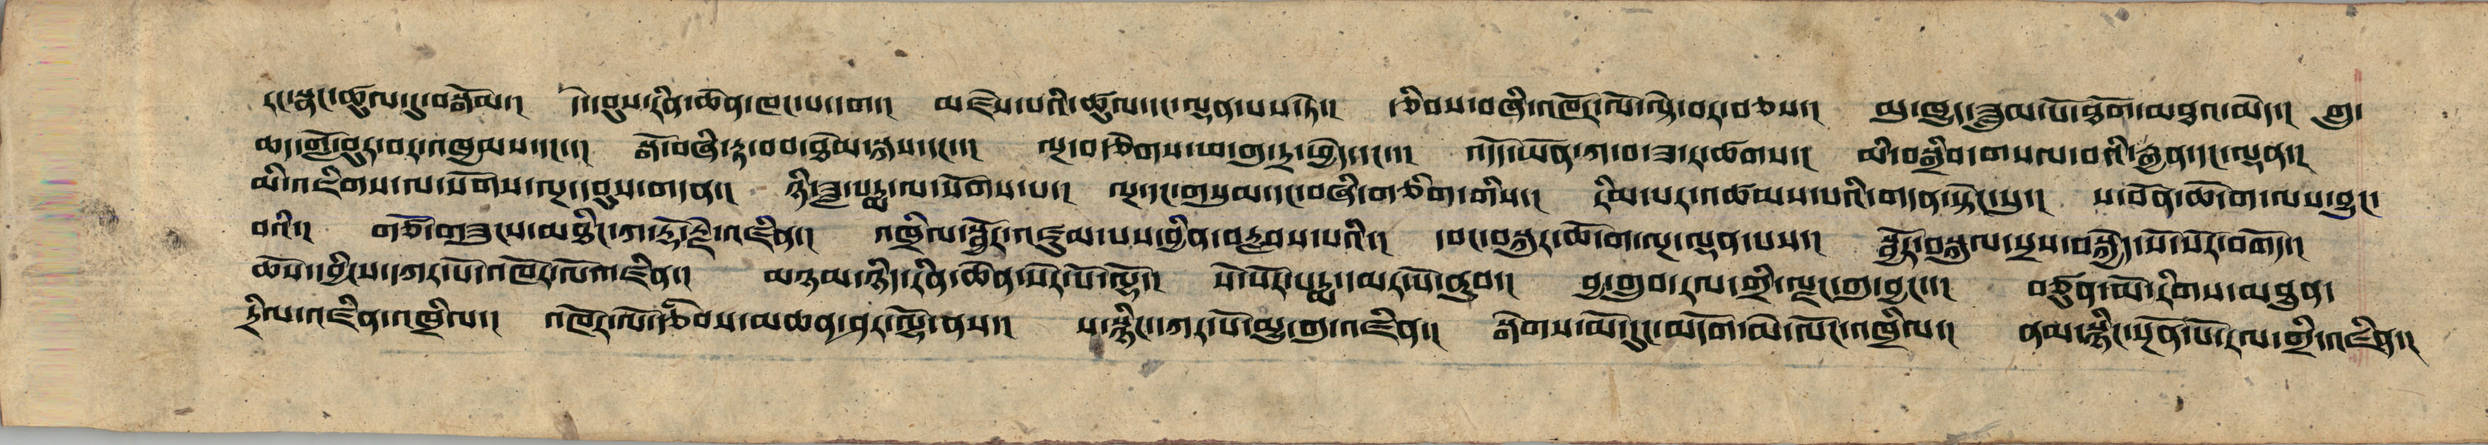རང་སྣང་ཚུལ་དུ་བསྒོམ་། དེ་དབུས་རིན་ཆེན་ཁང་པ་དག་། མཛེས་པའི་ཚུལ་དང་ལྡན་པས་ཏེ་། རྩིབས་བཞི་འཁོར་ལོ་ལྟེ་བར་བཅས་། མུ་ཁྱུད་ཟླུམ་པོ་ཐོག་མཐའ་མེད་། གྲུ་
ཆད་གློ་བུར་བར་འཁྱམས་དང་་། སྒོ་བཞི་རྟ་བབ་ཐེམ་སྐས་དང་་། ལྔ་བརྩེགས་ཕ་གུ་དྲ་ཕྱེད་དང་་། འདོད་ཡོན་ཀ་བ་ཟ་ར་ཚགས་། མི་བསྒྲིབ་གསལ་བའི་རྒྱན་དང་ལྡན་།
མི་འཇིགས་ལ་སོགས་ལྔ་དབུས་གདན་། ཉི་ཟླ་པདྨ་ལ་སོགས་པ་། ལྔ་དང་གསུམ་དང་བཞི་གཅིག་གིས་། རིམ་པར་འཚམས་པའི་གདན་སྟེང་སུ་། ས་བོན་ཆོ་ག་ལས་བྱུང་
བའི་། གཙོ་གཟུངས་མཐིང་ཀ་རྡོ་རྗེ་འཛིན་། འཁྲིལ་སྦྱོར་འཛུམ་པས་བྱིན་བརླབས་པའི་། དབང་བསྐུར་ཆོ་ག་ལྔ་ལྡན་པས་། སྦྱོར་བསྐུལ་སྲས་བསྐྱེད་སོ་སོར་བགོད་།
ཆོས་དབྱིངས་དཀར་པོ་འཁོར་ལོ་འཛིན་། མཉམ་ཉིད་རིན་ཆེན་སེར་པོ་ལྷོ་། སེ་སོར་པདྨ་དམར་པོ་ནུབ་། བྱ་གྲུབ་རལ་གྲི་ལྗང་གུ་བྱང་་། བཙུན་མོ་རིགས་མཐུན་
དྲིལ་འཛིན་འཁྲིལ་། འཁོར་ལོ་རྩིབས་མཆན་ཤར་ལྷོ་ནས་། ས་སྙིང་དཀར་པོ་མྱུ་གུ་འཛིན་། སྒེགས་མོ་དུང་མདོག་མེ་ལོང་འཁྲིལ་། ནམ་སྙིང་སྔོན་པོ་རལ་གྲི་འཛིན་།